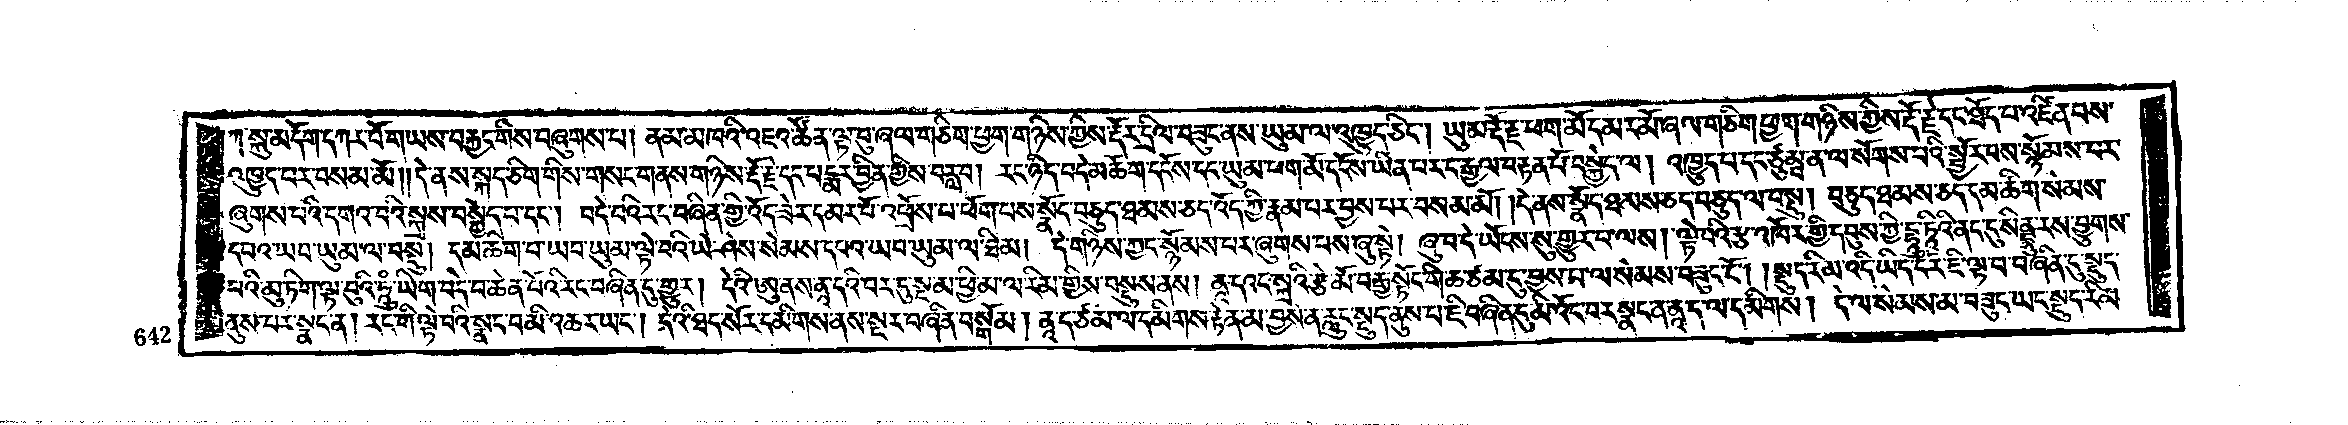ཀ་སྐུ་མདོག་དཀར་པོ་གཡས་བརྐྱང་གིས་བཞུགས་པ། ནམ་མཁའི་འཇའ་ཚོན་ལྟ་བུ་ཞལ་གཅིག་ཕྱག་གཉིས་ཀྱིས་རྡོར་དྲིལ་བཟུང་ནས་ཡུམ་ལ་འཁྱུད་ཅིང་། ཡུམ་རྡོ་རྗེ་ཕག་མོ་དམར་མོ་ཞལ་གཅིག་ཕྱག་གཉིས་ཀྱིས་རྡོ་རྗེ་དང་ཐོད་པ་འཛིན་པས་
འཁྱུད་པར་བསམ་མོ། །དེ་ནས་སྐད་ཅིག་གིས་གསང་གནས་གཉིས་རྡོ་རྗེ་དང་པདམར་བྱིན་གྱིས་བརླབ། རང་ཉིད་བདེ་མཆོག་དངོས་དང་ཡུམ་ཕག་མོ་དངོས་ཡིན་པར་ང་རྒྱལ་བརྟན་པོ་བསྐྱེད་ལ། འཁྱུད་པ་དང་ཙུམྦ་ན་ལ་སོགས་པའི་སྦྱོར་བས་སྙོམས་པར་
ཞུགས་པའི་དགའ་བའི་སྒྲས་བསྐྱོད་པ་དང་། བདེ་བའི་རང་བཞིན་གྱི་འོད་ཟེར་དམར་པོ་འཕྲོས་པ་ཕོག་པས་སྣོད་བཅུད་ཐམས་ཅད་འོད་ཀྱི་རྣམ་པར་བྱས་པར་བསམ་མོ། །དེ་ནས་སྣོད་ཐམས་ཅད་བཅད་ལ་བསྡུ། བཅུད་ཐམས་ཅད་དམ་ཚིག་སེམས་
དཔའ་ཡབ་ཡུམ་ལ་བསྡུ། དམ་ཚིག་པ་ཡབ་ཡུམ་ལྟེ་བའི་ཡེ་ཤེས་སེམས་དཔའ་ཡབ་ཡུམ་ལ་ཐིམ། དེ་གཉིས་ཀྱང་སྙོམས་པར་ཞུགས་པས་ཞུ་སྟེ། ཞུ་བ་དེ་ཡོངས་སུ་གྱུར་པ་ལས། ལྟེ་བའི་རྩ་འཁོར་གྱི་དབུས་ཀྱི་དྷཱུ་ཏཱིའི་ནང་དུ་སིནྡྷུ་རས་བྱུགས་
པའི་མུ་ཏིག་ལྟ་བུའི་ཧཱུཾ་ཡིག་བདེ་བ་ཆེན་པོའི་རང་བཞིན་དུ་གྱུར། དེའི་ཨུ་ནས་ནཱ་དའི་བར་དུ་སྔ་མ་ཕྱི་མ་ལ་རིམ་གྱིས་བསྡུས་ནས། ནཱ་དའང་སྐྲའི་རྩེ་མོ་བརྒྱ་སྟོང་གི་ཆ་ཙམ་དུ་བྱས་པ་ལ་སེམས་བཟུང་ངོ། །སྡུད་རིམ་འདི་ཡིད་ངོར་ཇི་ལྟ་བ་བཞིན་དུ་སྡུད་
ནུས་པར་སྣང་ན། རང་གི་ལྟེ་བའི་སྣང་བ་མི་འཆར་ཡང་། དེའི་ཐད་སོར་དམིགས་ནས་སྔར་བཞིན་བསྒོམ། ནཱ་ད་ཙམ་ལ་དམིགས་རྟེན་མ་བྱས་ན་རླུང་སྡུད་ནུས་པ་ཇི་བཞིན་དུ་མི་འོང་བར་སྣང་ན་ནཱ་ད་ལ་དམིགས། དེ་ལ་སེམས་མ་བཟུང་ཡང་སྡུད་རིམ་